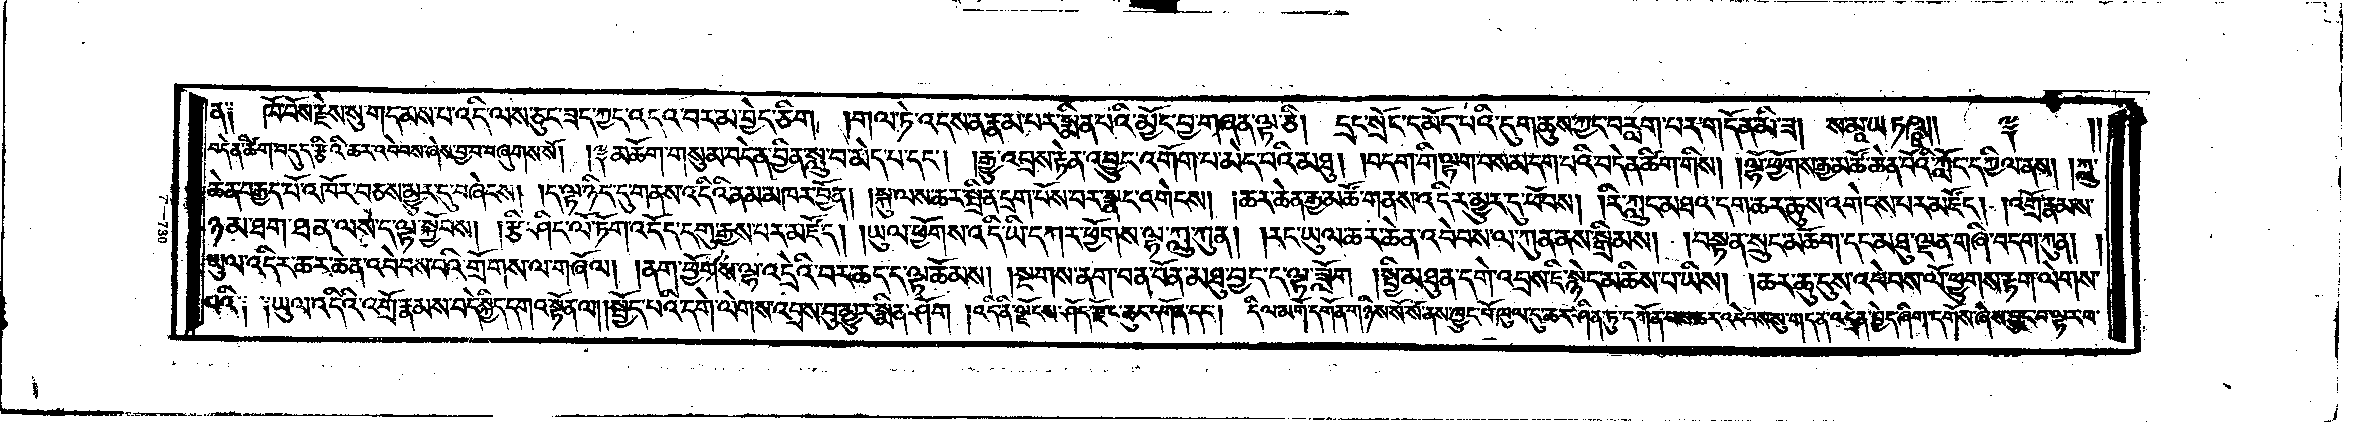ན༑ ཁོ་བོས་རྗེས་སུ་གདམས་པ་འདི་ལས་ཅུང་ཟད་ཀྱང་འདའ་བར་མ་བྱེད་ཅིག །གལ་ཏེ་འདས་ན་རྣམ་པར་སྨིན་པའི་མྱོང་བྱ་གཞན་ལྟ་ཅི་།དྲང་སྲོང་དམོད་པའི་དུག་ཆུས་ཀྱང་བརླག་པར་གདོན་མི་ཟ། །ས་མ་ཡ་ཏིཥཊཿཨ།། ༈ །།
བདེན་ཚིག་བདུད་རྩིའི་ཆར་འབེབས་ཞེས་བྱ་བ་བཞུགས་སོ།  །༈ མཆོག་གསུམ་བདེན་བྱིན་སླུ་བ་མེད་པ་དང་། །རྒྱུ་འབྲས་རྟེན་འབྱུང་འགོག་པ་མེད་པའི་མཐུ། །བདག་གི་ལྷག་བསམ་དག་པའི་བདེན་ཚིག་གིས། ལྷོ་ཕྱོགས་རྒྱ་མཚོ་ཆེན་པོའི་ཀློང་དཀྱིལ་ནས། །ཀླུ་
ཆེན་བརྒྱད་པོ་འཁོར་བཅས་མྱུར་དུ་བཞེངས། །ད་ལྟ་ཉིད་དུ་གནས་འདིའི་ནམ་མཁར་བྱོན། །སྐུ་ལས་ཆར་སྤྲིན་དྲག་པོས་བར་སྣང་འགེངས། །ཆར་ཆེན་རྒྱ་མཚོ་གནས་འདིར་མྱུར་དུ་ཕོབས། །རི་ཀླུང་མཐའ་དག་ཆར་ཆུས་འགེངས་པར་མཛོད། །འགྲོ་རྣམས་
ཉམ་ཐག་ཐན་ལས་ད་ལྟ་སྐྱོབས། །རྩི་ཤིང་ལོ་ཏོག་འདོད་དགུ་རྒྱས་པར་མཛོད། །ཡུལ་ཕྱོགས་འདི་ཡི་དཀར་ཕྱོགས་ལྷ་ཀླུ་ཀུན། །རང་ཡུལ་ཆར་ཆེན་འབེབས་ལ་ཀུན་ནས་སྒྲིམས། །བསྟན་སྲུང་མཆོག་དང་མཐུ་ལྡན་གཞི་བདག་ཀུན།
ཡུལ་འདིར་ཆར་ཆེན་འབེབས་པའི་གྲོགས་ལ་གཞོལ། །ནག་ཕྱོགས་ལྷ་འདྲེའི་བར་ཆད་ད་ལྟ་ཆོམས། །སྔགས་ནག་བན་བོན་མཐུ་བྱད་ད་ལྟ་ཟློག །སྤྱི་མཐུན་དགེ་འབྲས་ཇི་སྙེད་མཆིས་པ་ཡིས། །ཆར་ཆུ་དུས་འཕེབས་ལོ་ཕྱུགས་རྟག་ལེགས་
བའི༑ ༑ཡུལ་འདིའི་འགྲོ་རྣམས་བདེ་སྐྱིད་དགའ་སྟོན་ལ། །སྤྱོད་པའི་དགེ་ལེགས་འབྲས་བུ་མྱུར་སྨིན་ཤོག །འདི་ནི་ལྗོངས་ཤོད་རྫོངས་ཆུང་དགོན་དང་། དི་ལ་མགོ་དགོན་གཉིས་སོ་སོ་ནས་ཁྱུང་པོ་ཁུལ་དུ་ཆར་ཤིན་ཏུ་དཀོན་པས་ཆར་འབེབས་སུ་གདན་འདྲེན་བྱེད་ཞིག་དགོས་ཞེས་བྱུང་བ་ལྟར་པ་